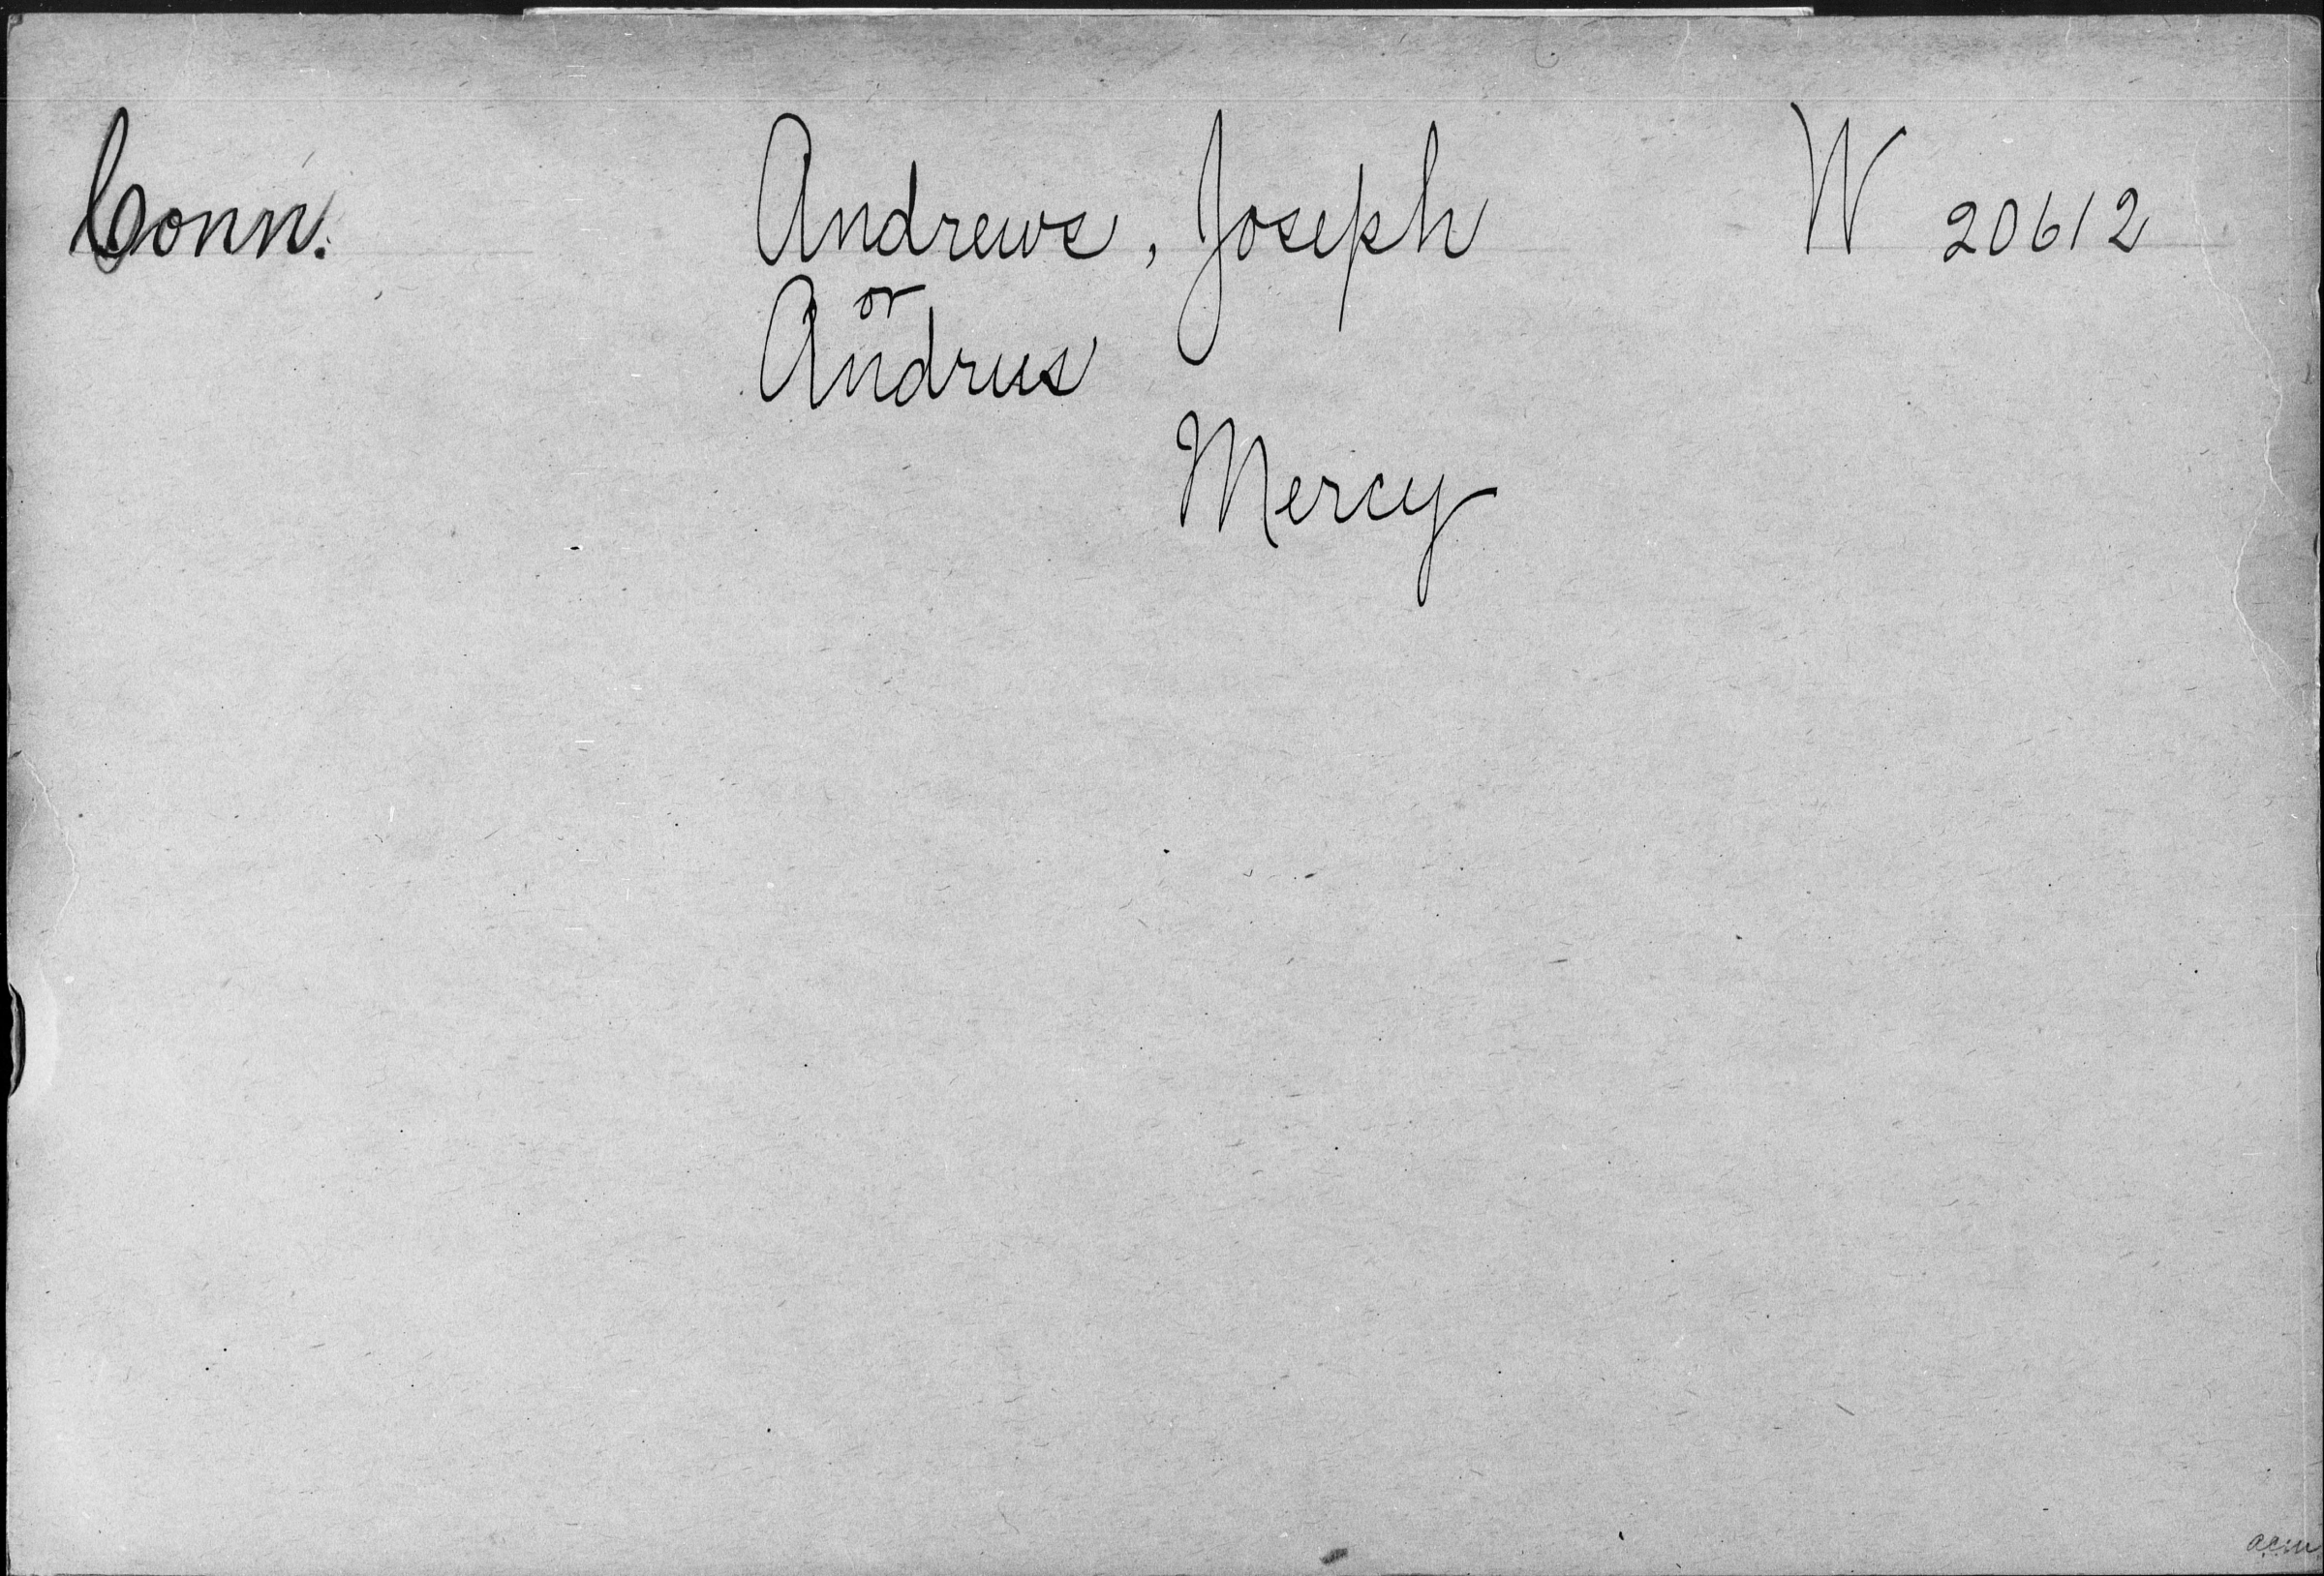Conn.
Andrews, Joseph
or
Andrus
Mercy
W 20612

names: Joseph Andrus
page: 1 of 1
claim: widow's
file: W 20612, Joseph Andrews, Conn.